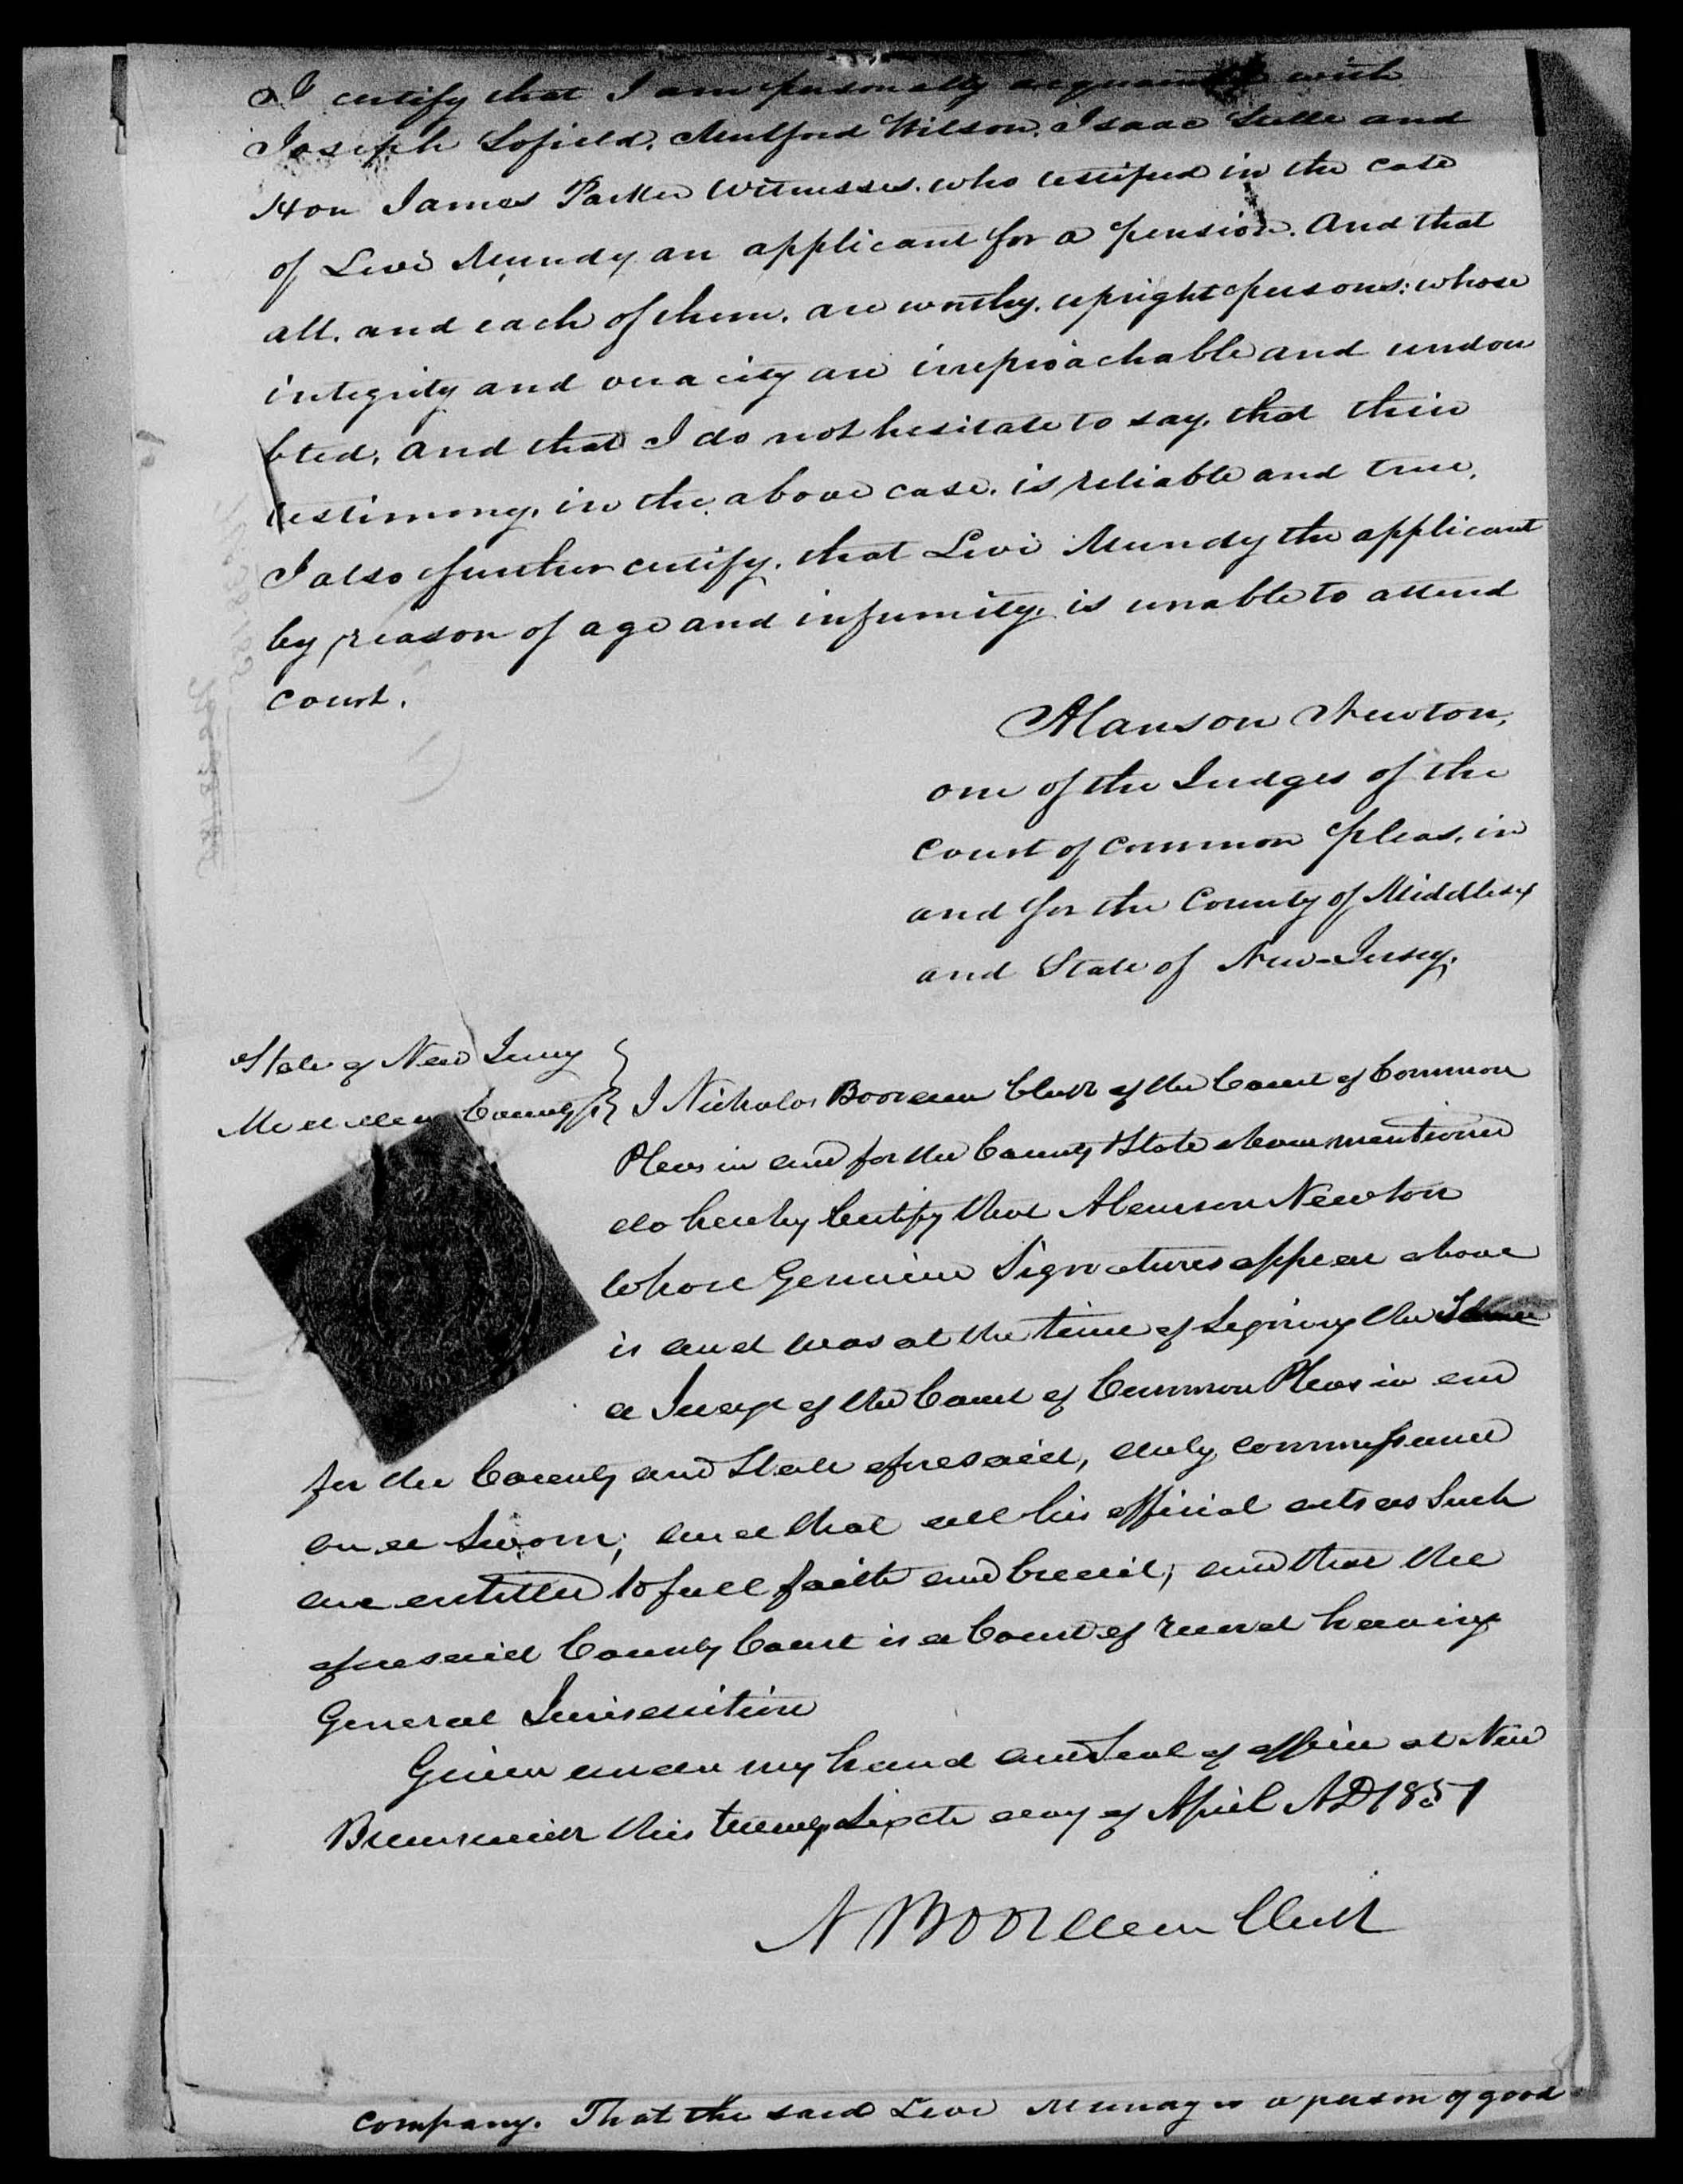I certify that I am personally acquainted with Joseph Sofield, Mulford Wilson, Isaac Stelle and Hon. James Parker, witnesses who testified in the case of Levi Mundy, an applicant for a pension, and that all and each of them are worthy upright persons whose integrity and veracity are irreproachable and undoubted and that I do not hesitate to say that their testimony in the above case is reliable and true.

I also further certify that Levi Mundy, the applicant, by reason of age and infirmity is unable to attend Court.
s/ Alanson Newton, one of the Judges of the Court of Common Pleas in and for the County of Middlesex and State of New Jersey.

State of New Jersey
Middlesex County//

I, Nicholas Booraem, Clerk of the Court of Common Pleas in and for the County & State above mentioned, do hereby certify that Alanson Newton, whose genuine signatures appear above, is and was at the time of signing, duly commissioned and sworn, and that all his official acts as such are entitled to full faith and credit, and that the aforesaid County Court is a Court of Record having general jurisdiction.

Given under my hand and seal of office at New Brunswick this Twenty sixth day of April A.D. 1857.
s/ N. Booraem, Clerk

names: Joseph Sofield; Isaac Stelle; Nicholos Boorem; Levi Mundy; James Parker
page: 11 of 95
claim: survivor's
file: S 2889, for Levi Mundy, New Jersey